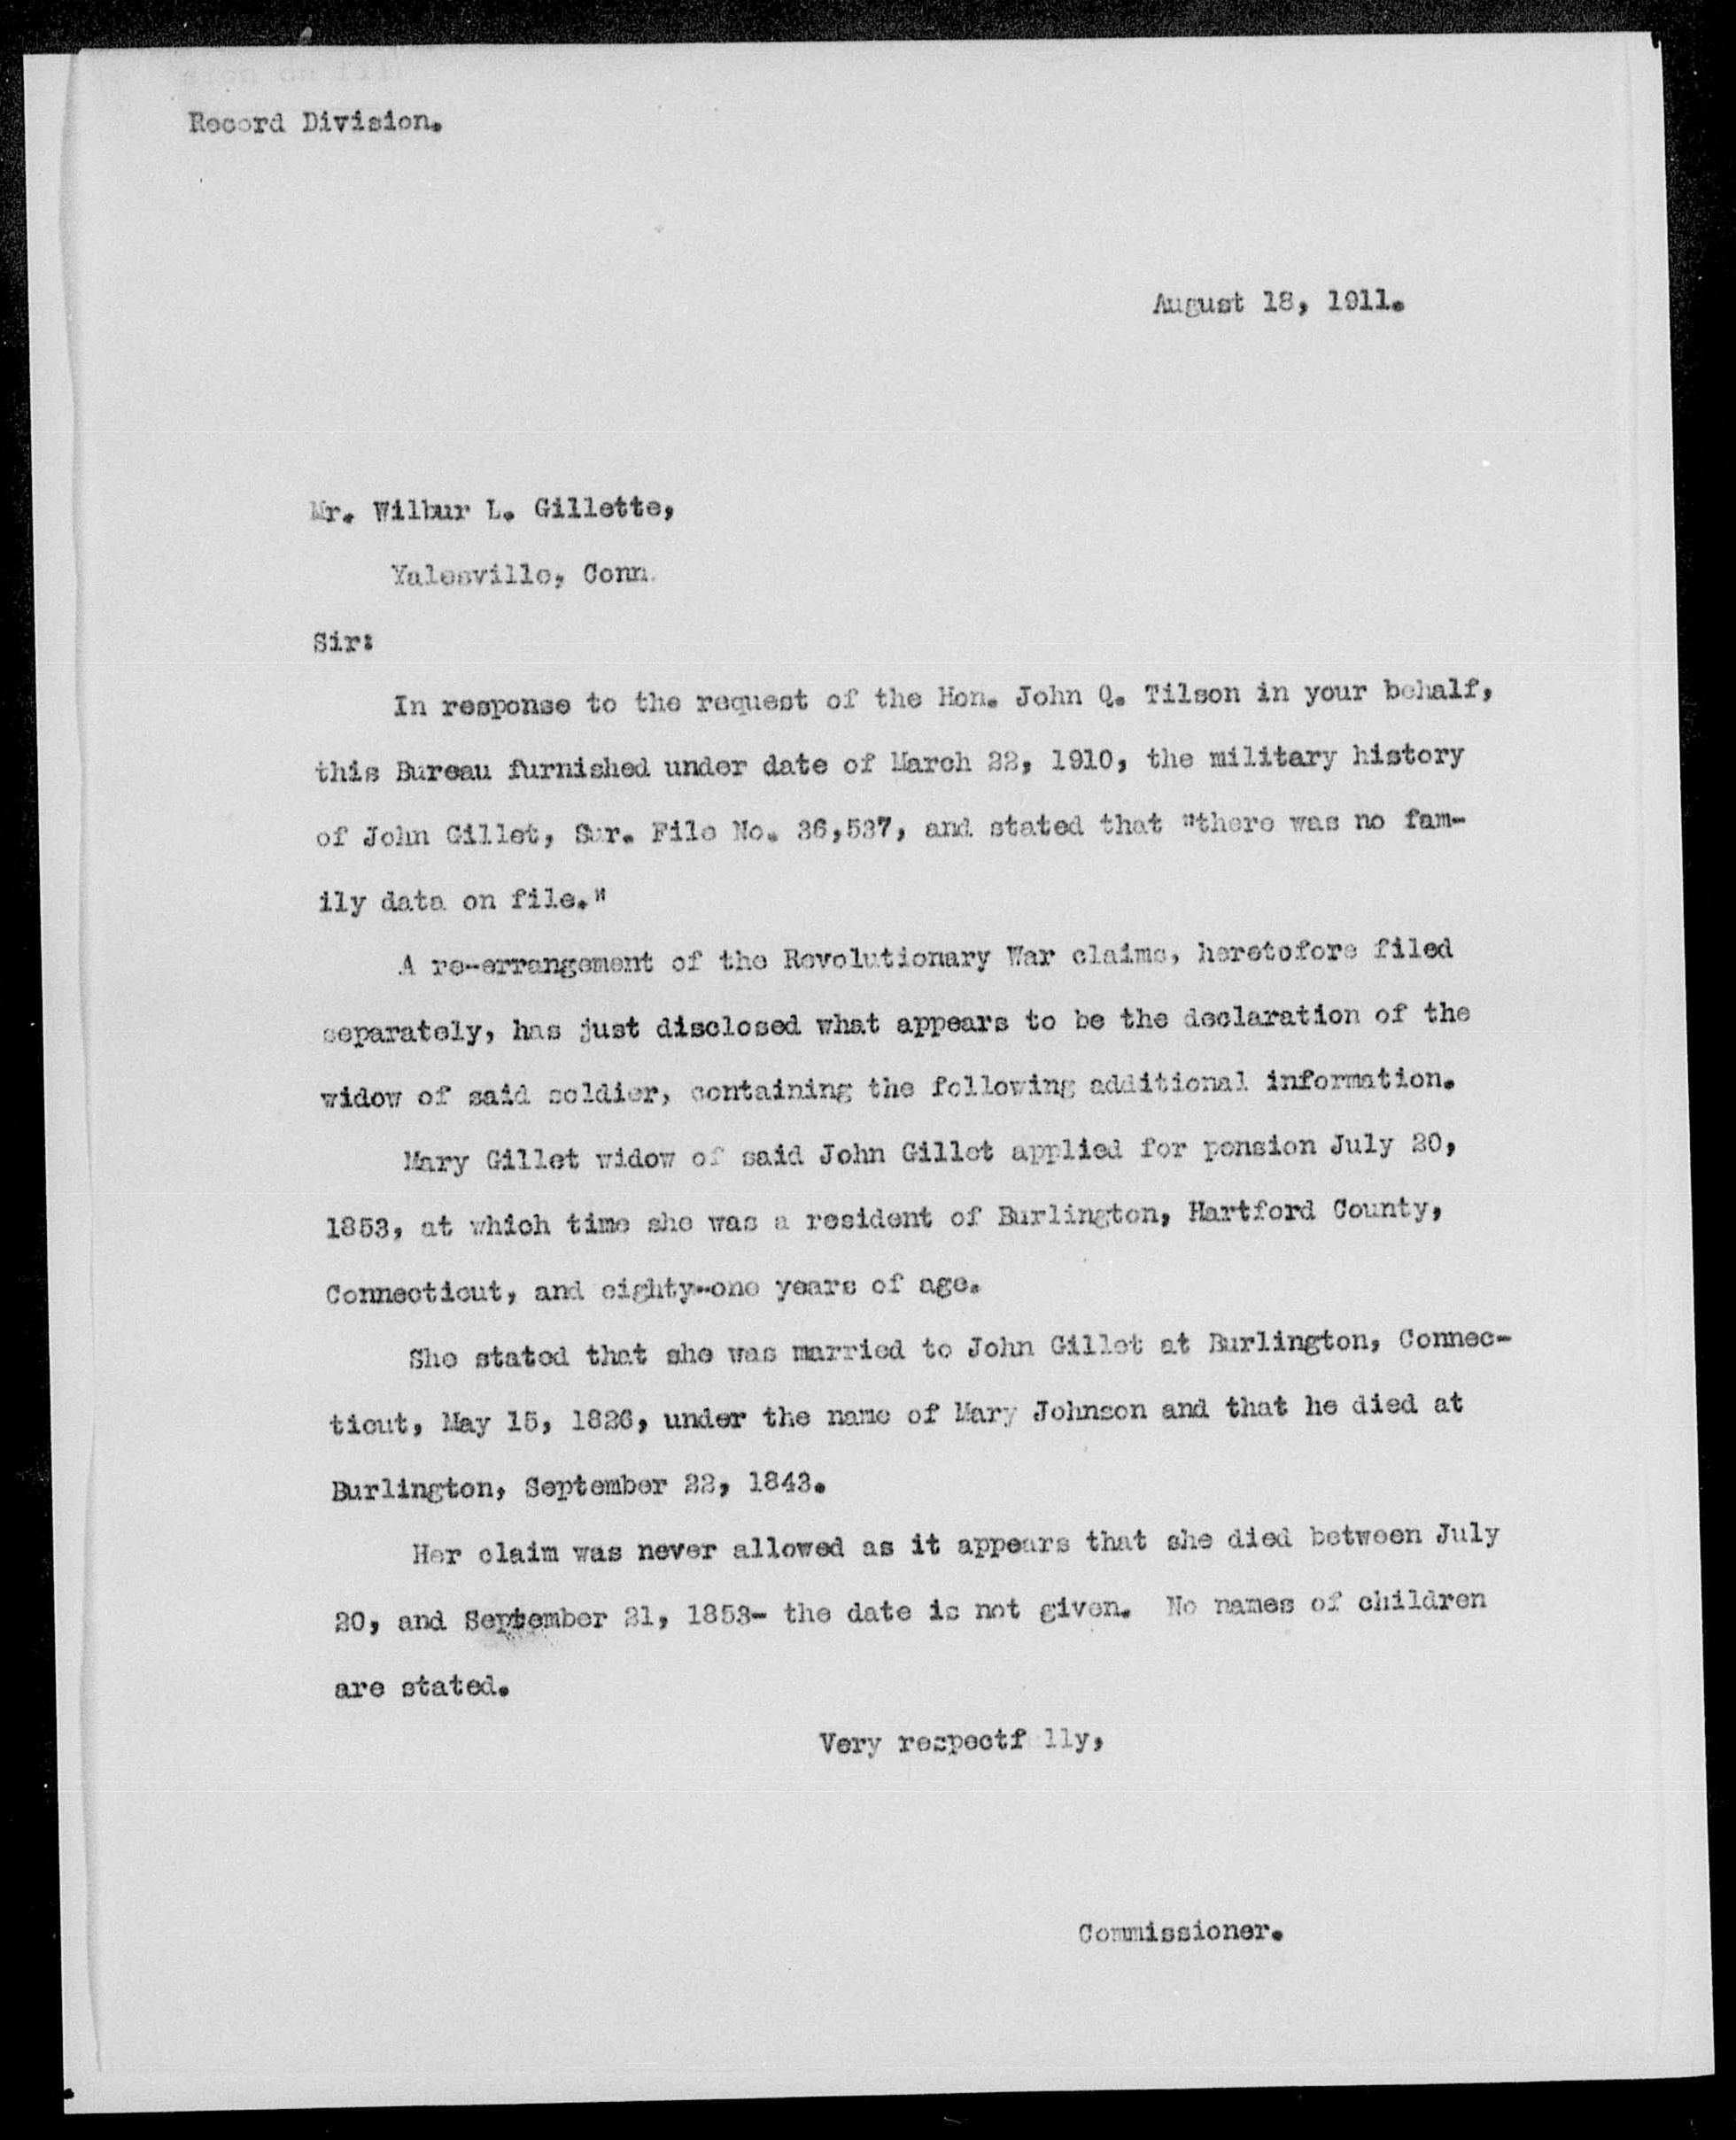Record Division.

                                            August 18, 1911.

Mr. Wilbur L. Gillette,
   Yalesville, Conn.

Sir:
    In response to the request of the Hon. John Q, Tilson on your behalf, this Bureau furnished under date of March 22, 1910, the military history of John Gillet, Sur. File No. 36537, and stated that "there was no family data on file".

    A re-arrangement of the Revolutionary War claims, heretofore filed separately, has just disclosed what appears to be the declaration of the widow of said soldier, containing the following additional information.

    Mary Gillet widow of said John Gillet applied for pension July 20, 1853, at which time she was a resident of Burlington, Hartford County, Connecticut, and eighty-one years of age.

  She stated that she was married to John Gillet at Burlington, Connecticut, May 15th, 1826, under the name of Mary Johnson and that he died at Burlington, September 22, 1843.

    Her claim was never allowed as it appears that she died between July 20, and September 21, 1853 - the date is not given.  No names of children are stated,

                        Very respectfully,

                                          Commissioner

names: Wilbur L Gillette, John Q Tilson, John Gillet, Mary Johnson, Mary Gillet, John Gillet, John Gillet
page: 9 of 40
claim: survivor's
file: S. 36,537 And R. 4034, John Gillet, Conn.